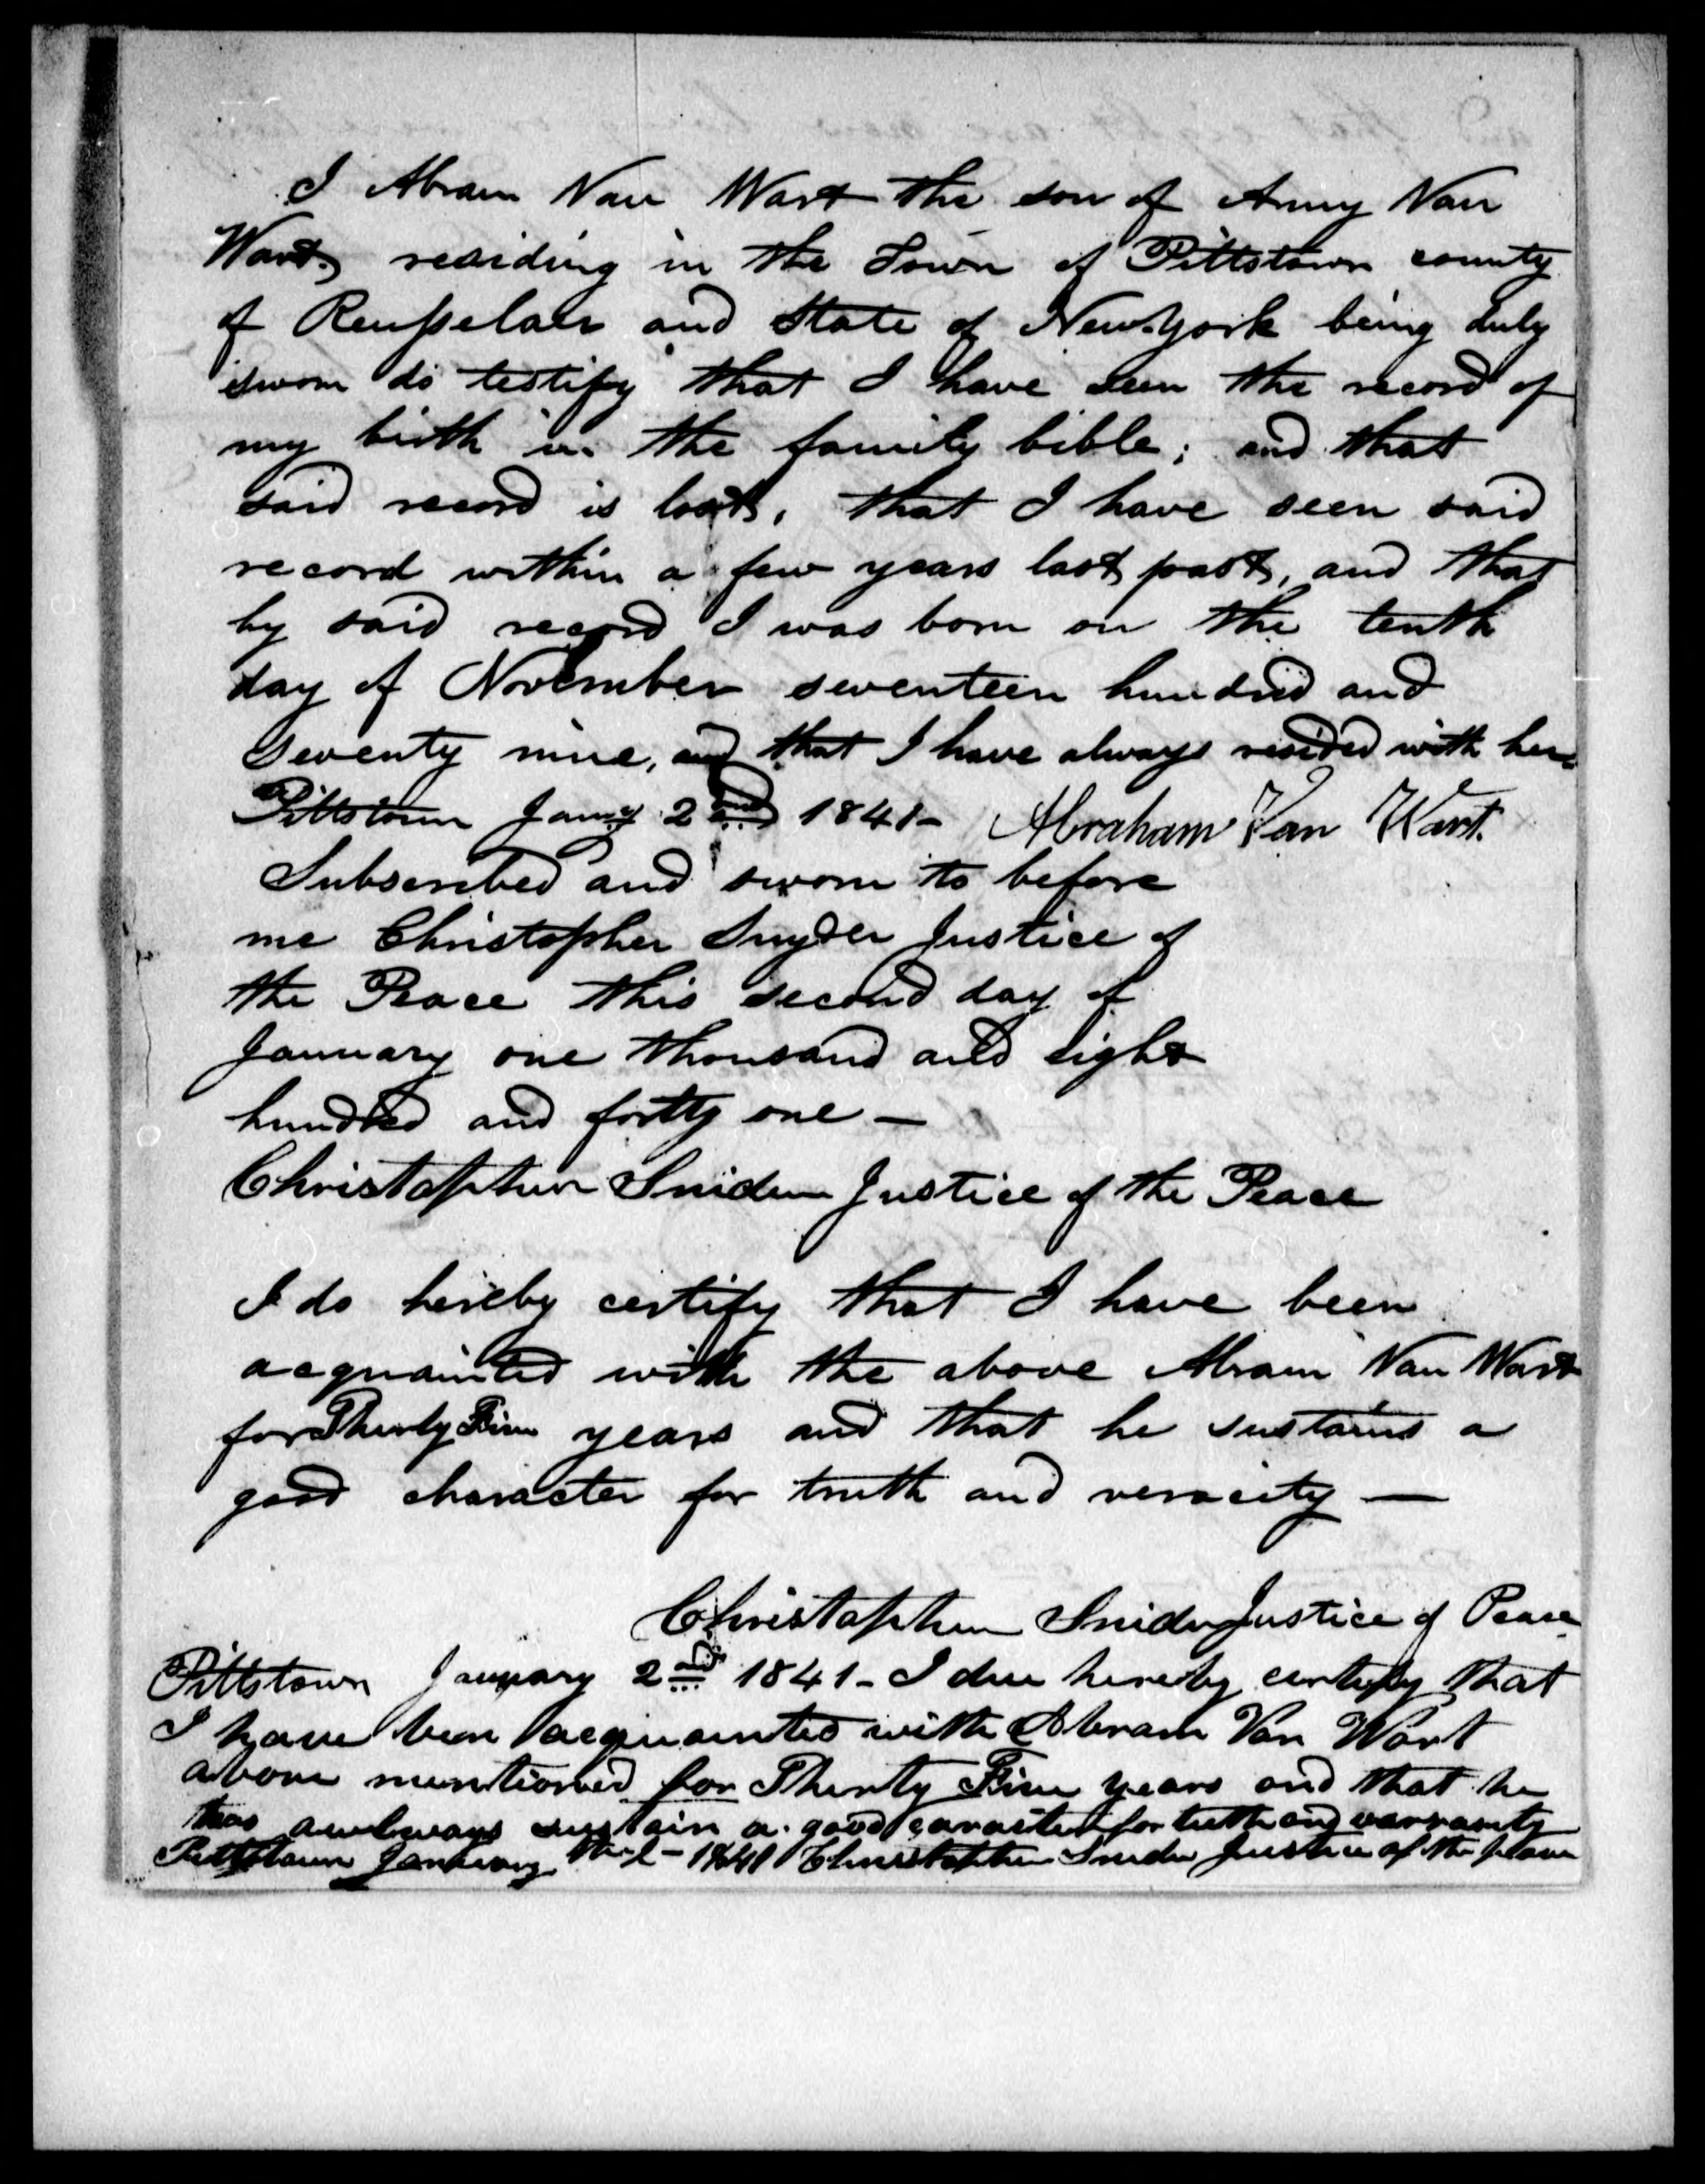I Abram Van Wart the son of Amy Van Wart residing in the Town of Pittstown county of Rensselaer and State of New York being duly sworn do testify that I have seen the record of my birth in the family bible;  and that said record is lost, that I have seen said record with a few years last past, and that by said record I was born on the tenth day of November seventeen hundred and seventy nine, and that I have always resided with her.

[signed]
Abraham Van Wart

Pittstown January 2, 1841 - 
Subscribed and sworn to before
me Christopher Snyder Justice of
the Peace this second day of 
January one thousand and eight
hundred and forty one __

[signed]
Christopher Snider Justice of the Peace

I do hereby certify that I have been acquainted with the above Abram Van Wart for Thirty Five years and that he sustains a good character for truth and veracity __

[signed]
Christopher Snider Justice of Peace

Pittstown January 2nd 1841 - I do hereby certify that I have been acquainted with Abram Van Wart above mentioned for Thirty Five years and that he has always sustained a good character for truth and veracity.
[signed]
Pittstown January 2nd 1841 Christopher Snider Justice of the Peace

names: Christopher Snider, Christopher Snyder, Christopher Snider, Abraham Van Wart, Christopher Snider, Abram Van Wart, Abram Van Wart, Amy Van Wart, Abram Van Wart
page: 16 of 102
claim: widow's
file: W. 18239, Isaac Van Wart, New York